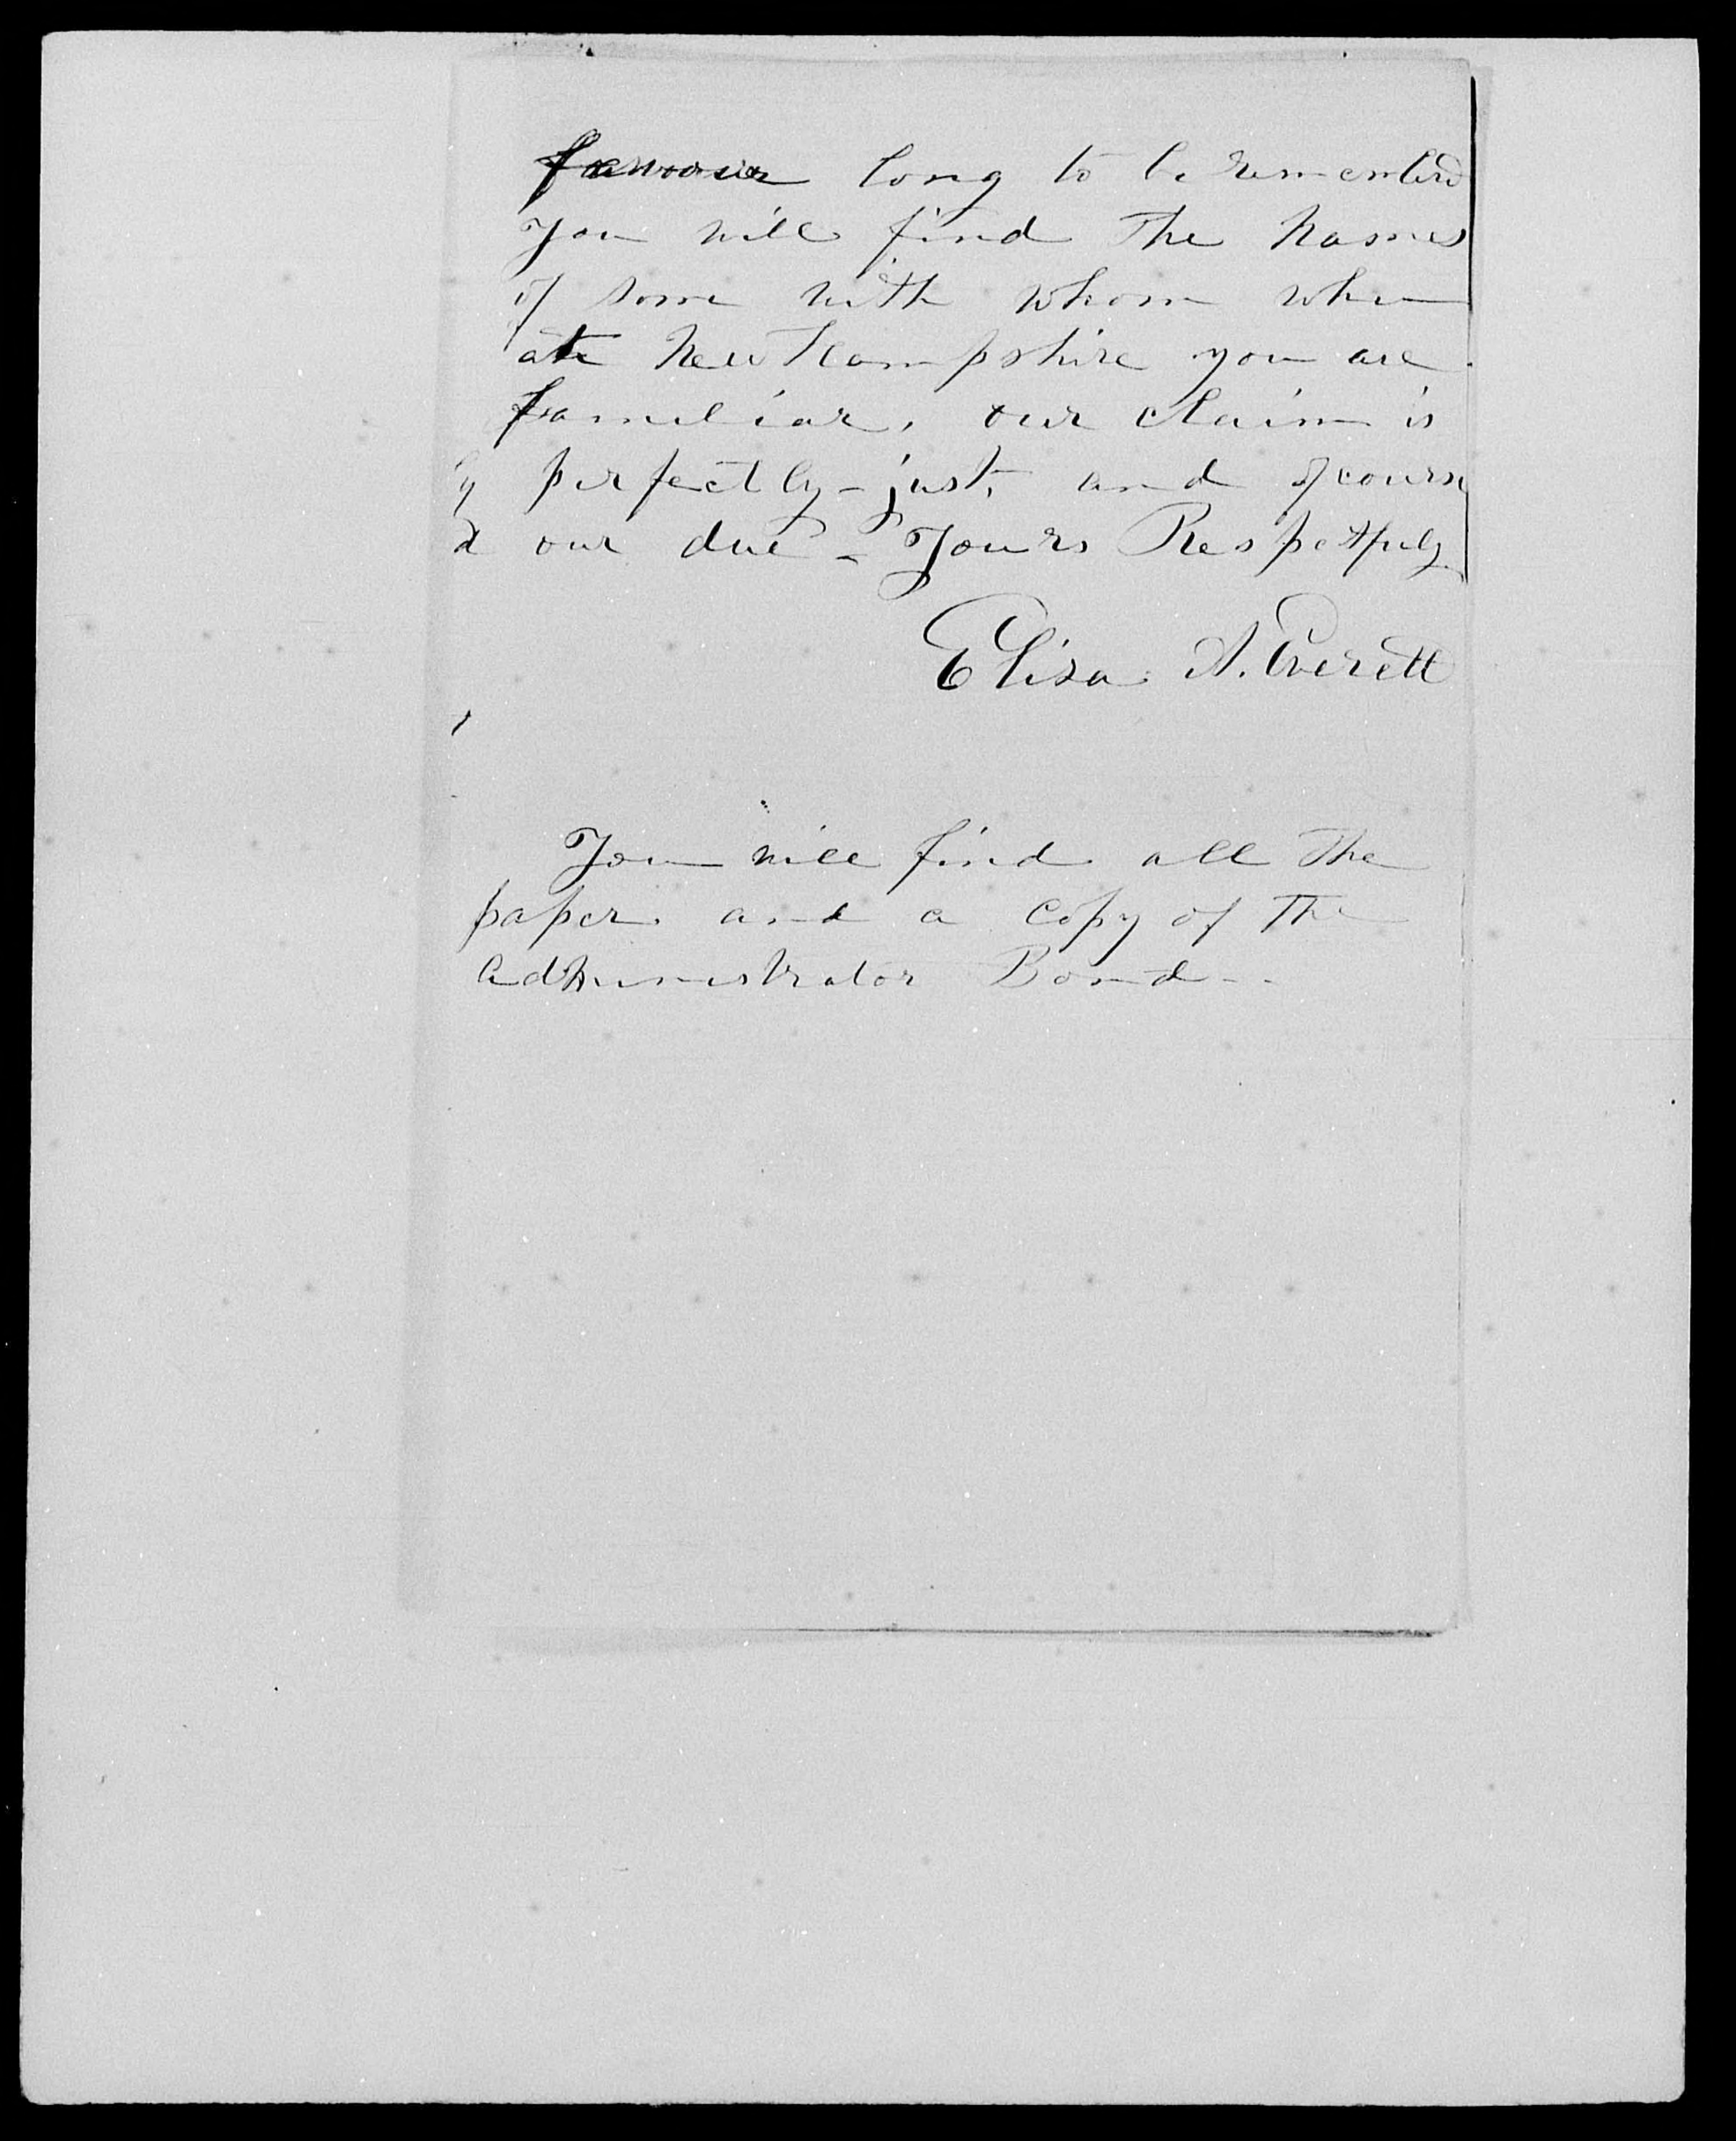favour long to be remembered
you will find the names of some with whom we at New Hampshire you are familiar, our claim is perfectly - just, and of course our due.
Yours Respectfully
Elisa A. Everett (signature)


You will find all the papers and a copy of the Administrator Bond.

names: Elisa A Everett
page: 37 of 59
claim: widow's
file: W. 23017, Richard Clair Everett, Mass.